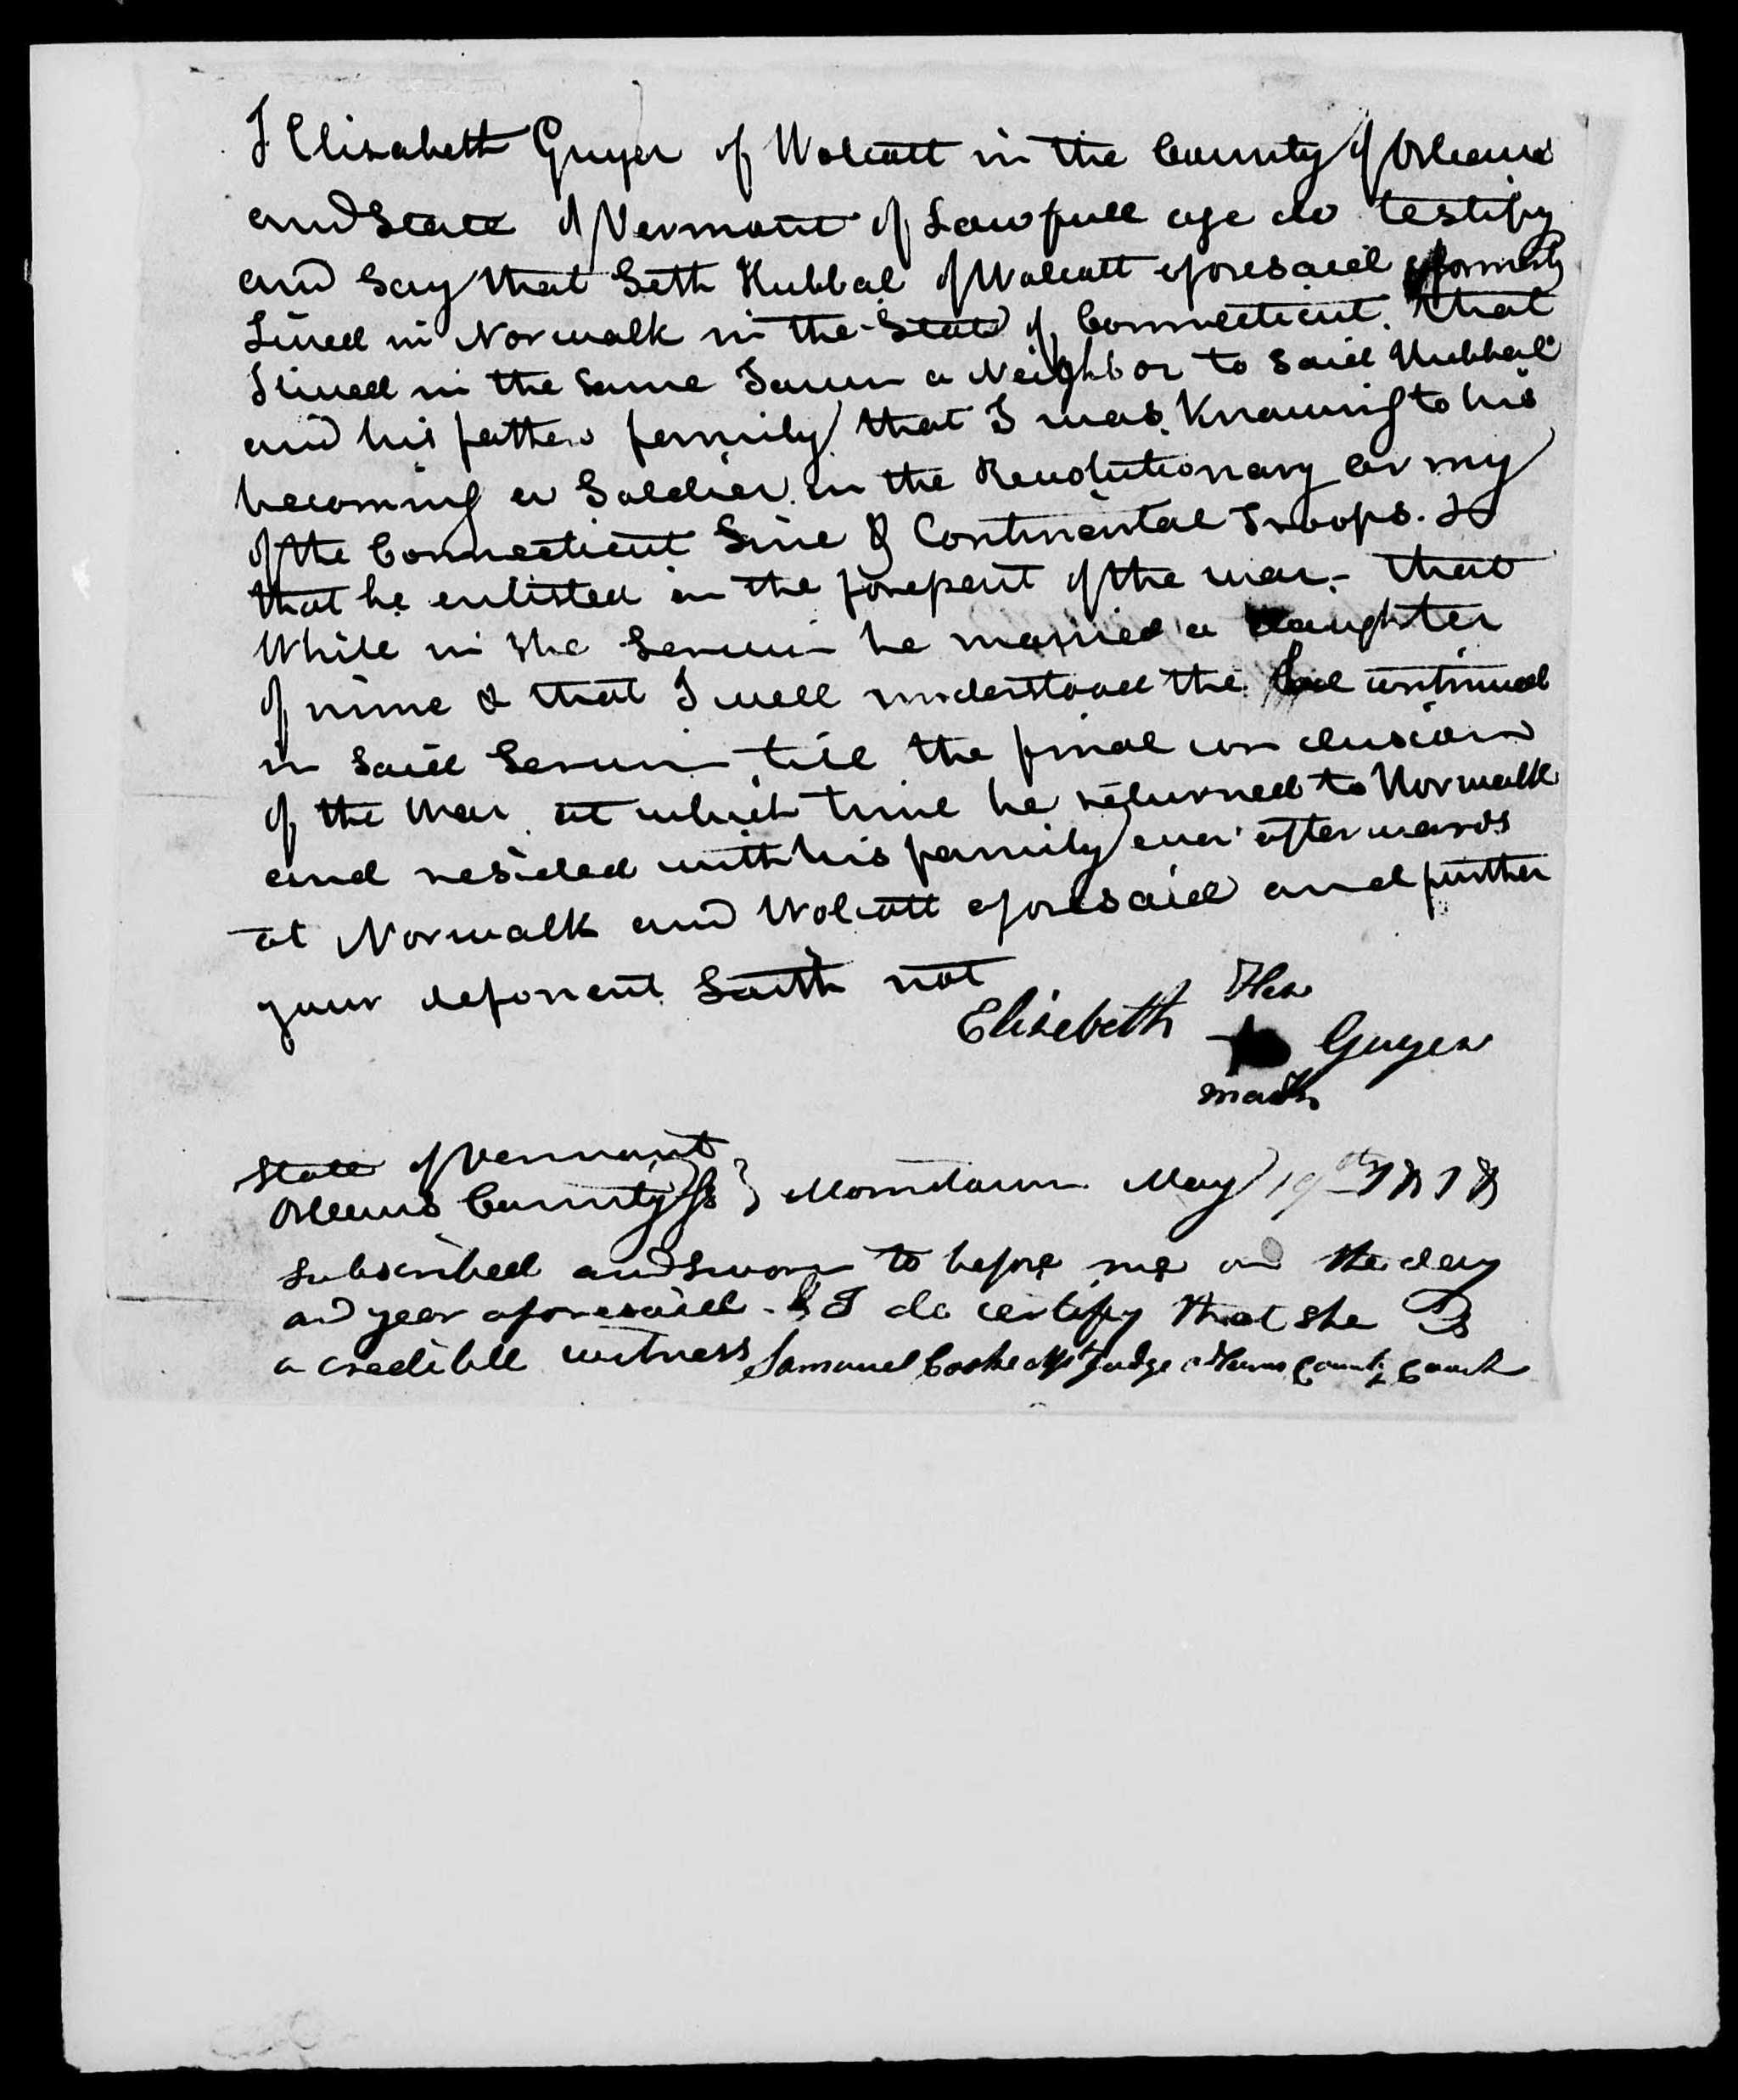I Elisabeth Guyer of Wolcott in the County of Orleans] and State of Vermont of lawfull [sic] age do testify and say that Seth Hubbal [Hubbell] of Wolcott aforesaid formerly lived in Norwalk in the state of Connecticut that lived in the same town a neighbor to said Hubbal [Hubbell] and his father's family that I was knowing to his becoming a soldier in the Revolutionary army of the Connecticut Line of Continental Troops. and that he enlisted in the forepart of the war - that while in the service he married a daughter of mine and that I well understood the [illegible] continual in said service til the final conclusion of the war at which time he returned to Norwalk and resided with his family ever after wards at Norwalk and Wolcott aforesaid and further your deponent saith not.

Elisabeth [Her mark] Guyer

State of Vermont
Orleans County ss} Morristown May 19th 1818
Subscribed and sworn to before me on the day and year aforesaid. I do certify that she is a credible witness
Samuel Cooke [illegible] Judge Orleans County Court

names: Elizabeth Guyer, Seth Hubbal, Samuel Cooke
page: 114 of 114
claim: widow's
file: W. 2115, Seth Hubbell, Conn.